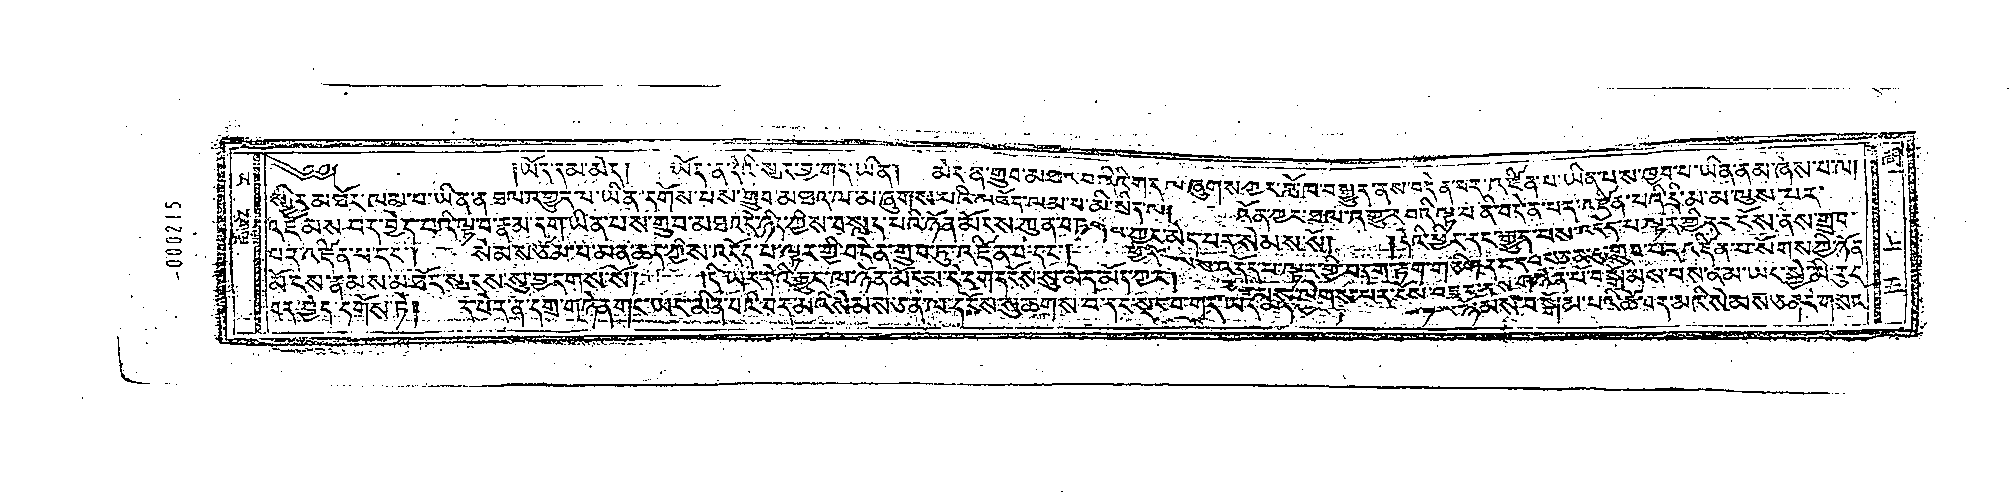༄༅། །ཡོད་དམ་མེད། ཡོད་ན་དེའི་སྤང་བྱ་གང་ཡིན། མེད་ན་གྲུབ་མཐའ་བཞིའི་གང་ལ་ཞུགས་ཀྱང་བློ་ཁ་བསྒྱུར་ནས་བདེན་པར་འཛིན་པ་ཡིན་པས་ཁྱབ་པ་ཡིན་ནམ་ཞེས་པ་ལ།
སྤྱིར་མཐོང་ལམ་པ་ཡིན་ན་ཐལ་འགྱུར་པ་ཡིན་དགོས་པས་གྲུབ་མཐའ་ལ་མ་ཞུགས་པའི་མཐོད་ལམ་པ་མི་སྲིད་ལ། འོན་ཀྱང་ཐལ་འགྱུར་བའི་ལྟ་བ་ནི་བདེན་པར་འཛིན་པའི་དྲི་མ་མ་ལུས་པར་
འཇོམས་པར་བྱེད་པའི་ལྟ་བ་རྣམ་དག་ཡིན་པས་གྲུབ་མཐའ་དི་ཉིད་ཀྱིས་བསླད་པའི་ཉོན་མོངས་ཀུན་བཏགས་ཀྱང་མེད་པར་སེམས་སོ། །དེའི་ཕྱིར་རང་རྒྱུད་པས་འདོད་པ་ལྟར་གྱི་རང་ངོས་ནས་གྲུབ་
པར་འཛིན་པ་དང་། སེམས་ཙམ་པ་མན་ཆད་ཀྱིས་འདོད་པ་ལྟར་གྱི་བདེན་གྲུབ་ཏུ་འཛིན་པ་དང་། ཕྱི་རོལ་པས་འདོད་པ་ལྟར་གྱི་བདག་རྟག་གཅིག་རང་དབང་ཅན་དུ་གྲུབ་པར་འཛིན་པ་སོགས་ཀྱི་ཉོན་
མོངས་རྣམས་མཐོང་སྤངས་སུ་བྱ་དགོས་སོ། །དེ་ཡང་དེའི་རྒྱུང་ལ་ཉོན་མོངས་དེ་དག་དངོས་སུ་མེད་མོད་ཀྱང་། དེ་རྣམས་ལེགས་པར་ངོས་བཟུང་ནས་གཉེན་པོ་བསྒོམས་པས་ནམ་ཡང་སྐྱེ་མི་རུང་
བར་བྱེད་དགོས་ཏེ། དཔེར་ན་དགྲ་གཉེན་གང་ཡང་མིན་པའི་བར་མའི་སེམས་ཅན་ལ་དངོས་སུ་ཆགས་བ་དང་སྡང་བ་གནག་ཡང་མེད་ཀྱང་། བཏང་སྙོམས་བསྒོམ་པའི་ཚེ་བར་མའི་སེམས་ཅན་དེ་གསོལ་